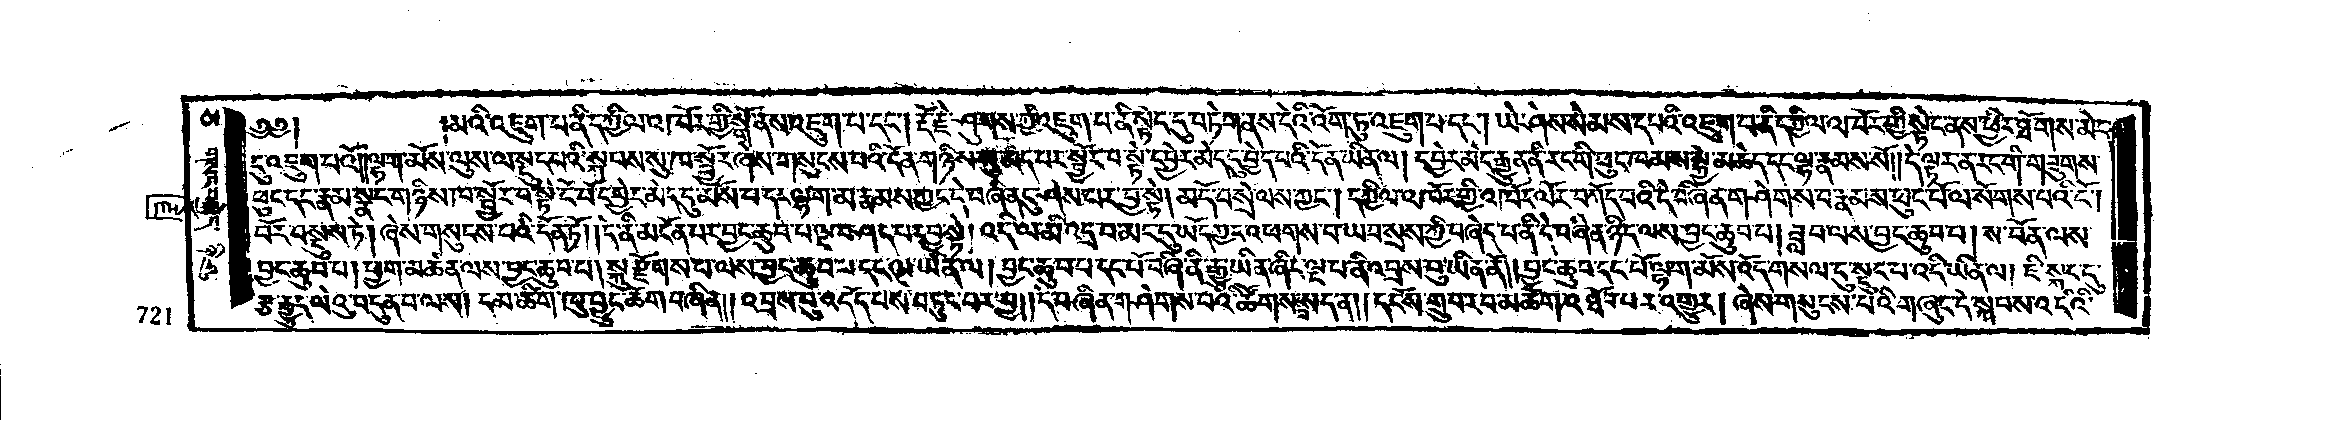༄༅། །མའི་འཇུག་པ་ནི་དཀྱིལ་འཁོར་གྱི་སྒོ་ནས་འཇུག་པ་དང་། རྡོ་རྗེ་ཤུགས་ཀྱི་འཇུག་པ་ནི་སྟེང་དུ་བཏེག་ནས་དེའི་འོག་ཏུ་འཇུག་པ་དང་། ཡེ་ཤེས་སེམས་དཔའི་འཇུག་པ་ནི་དཀྱིལ་འཁོར་གྱི་སྟེང་ནས་ཕྱིར་ཐོགས་མེད་
དུ་འཇུག་པའོ། །ལྷག་མོས་ལུས་ལ་སྡུད་པའི་སྐབས་སུ་ཁ་སྦྱོར་ཞེས་གསུངས་པའི་དོན་གཉིས་སུ་མེད་པར་སྦྱོར་བ་སྟེ་དབྱེར་མེད་དུ་བྱེད་པའི་དོན་ཡིན་ལ། དབྱེར་མེད་རྒྱུན་ནི་རང་གི་ཕུང་ཁམས་སྐྱེ་མཆེད་དང་ལྷ་རྣམས་སོ། །དེ་ལྟར་ན་རང་གི་གཟུགས་
ཕུང་དང་རྣམ་སྣང་གཉིས་ཁ་སྦྱོར་བ་སྟེ་ངོ་བོ་དབྱེར་མེད་དུ་མོས་པ་དང་ལྷག་མ་རྣམས་ཀྱང་དེ་བཞིན་དུ་ཤེས་པར་བྱ་སྟེ། མདོ་བསྲེ་ལས་ཀྱང་། དཀྱིལ་འཁོར་གྱི་འཁོར་ལོར་བཀོད་པའི་དེ་བཞིན་གཤེགས་པ་རྣམས་ཕུང་པོ་ལ་སོགས་པའི་ངོ།
པོར་བསྡུས་ཏེ། ཞེས་གསུངས་པའི་དོན་ཏོ། །དེ་ནི་མངོན་པར་བྱང་ཆུབ་པ་ལྔ་བཤད་པར་བྱ་སྟེ། འདི་ལ་མི་འདྲ་བ་མང་དུ་ཡོད་ཀྱང་འཕགས་པ་ཡབ་སྲས་ཀྱི་བཞེད་པ་ནི་དེ་བཞིན་ཉིད་ལས་བྱང་ཆུབ་པ། ཟླ་བ་ལས་བྱང་ཆུབ་པ། ས་བོན་ལས་
བྱང་ཆུབ་པ། ཕྱག་མཚན་ལས་བྱང་ཆུབ་པ། སྐུ་རྫོགས་པ་ལས་བྱང་ཆུབ་པ་དང་ལྔ་ཡིན་ལ། བྱང་ཆུབ་པ་དང་པོ་བཞི་ནི་རྒྱུ་ཡིན་ཞིང་ལྔ་པ་ནི་འབྲས་བུ་ཡིན་ནོ། །བྱང་ཆུབ་དང་པོ་ལྷག་མོས་འོད་གསལ་དུ་སྡུད་པ་འདི་ཡིན་ལ། ཇི་སྐད་དུ་
རྩ་རྒྱུད་ལེའུ་བདུན་པ་ལས། དམ་ཚིག་ཁུ་ཕྱུང་ཆོ་ག་བཞིན། །འབྲས་བུ་འདོད་པས་བཏུང་བར་བྱ། །དེ་བཞིན་གཤེགས་པའི་ཚོགས་བསད་ན། །དངོས་གྲུབ་རབ་མཆོག་འཐོབ་པར་འགྱུར། ཞེས་གསུངས་པའི་གཞུང་དེ་སྐབས་འདིའི་